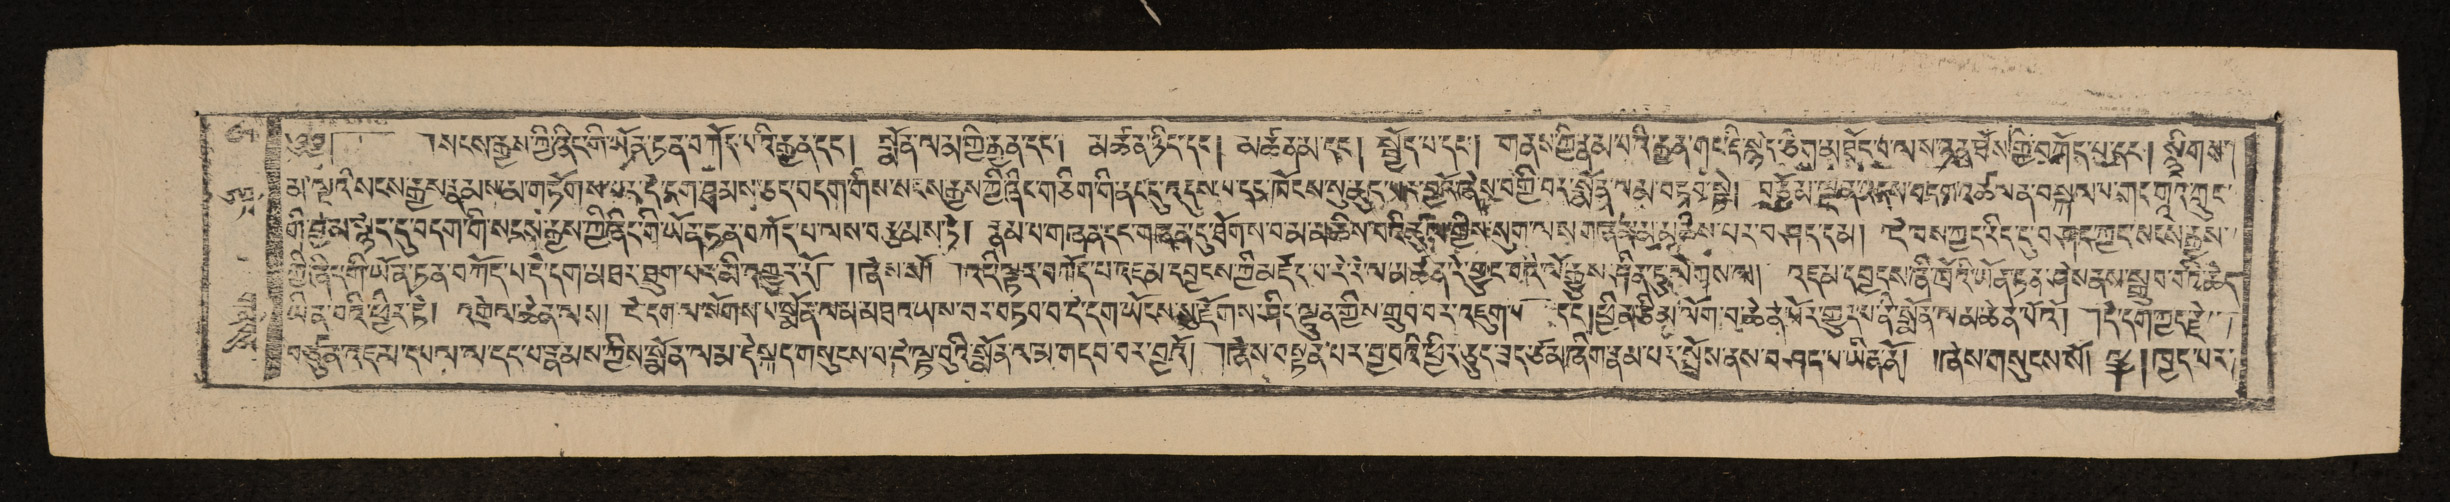༄༅། །སངས་རྒྱས་ཀྱི་ཞིང་གི་ཡོན་ཏན་བཀོད་པའི་རྒྱན་དང་། སྨོན་ལམ་གྱི་རྒྱན་དང་། མཚན་ཉིད་དང་། མཚན་མ་དང་། སྤྱོད་པ་དང་། གནས་ཀྱི་རྣམ་པའི་རྒྱན་གང་ཇི་སྙེད་ཅིག་མཐོང་བ་ལས་ཉན་ཐོས་གྱི་བཀོད་པ་དང་། སྙིགས་
མ་ལྔའི་སངས་རྒྱས་རྣམས་མ་གཏོགས་པར་དེ་དག་ཐམས་ཅད་བདག་གིས་སངས་རྒྱས་ཀྱི་ཞིང་གཅིག་གི་ནང་དུ་འདུས་པ་དང་ཁོངས་སུ་ཆུད་པར་བྱའོ་ཞེས་བགྱི་བར་སྨོན་ལམ་བཏབ་སྟེ། བཅོམ་ལྡན་འདས་བདག་འཚལ་ན་བསྐལ་པ་གང་གཱའི་ཀླུང་
གི་བྱེ་མ་སྙེད་དུ་བདག་གི་སངས་རྒྱས་ཀྱི་ཞིང་གི་ཡོན་ཏན་བཀོད་པ་ལས་བརྩམས་ཏེ། རྣམ་པ་གཞན་དང་གཞན་དུ་ཐོགས་པ་མ་མཆིས་པའི་ཚུལ་གྱིས་སུག་ལས་གཞན་མ་མཆིས་པར་བཤད་དམ། དེ་བས་ཀྱང་རིང་དུ་བཤད་ཀྱང་སངས་རྒྱས་
ཀྱི་ཞིང་གི་ཡོན་ཏན་བཀོད་པ་དེ་དག་མཐར་ཐུག་པར་མི་འགྱུར་རོ། །ཞེས་སོ། །འདི་ལྟར་བཀོད་པ་འཇམ་དབྱངས་ཀྱི་མཛད་པ་རེ་རེ་ལ་མཚན་རེ་བྱུང་པའི་ལོ་རྒྱུས་ཤིན་ཏུ་ལེགས་ལ། འཇམ་དབྱངས་ཞི་ཁྲོའི་ཡོན་ཏན་ཤེས་ནས་སྒྲུབ་པའི་ཆེད་
ཡིན་པའི་ཕྱིར་ཏེ། འགྲེལ་ཆེན་ལས། དེ་དག་ལ་སོགས་པ་སྨོན་ལམ་མཐའ་ཡས་པར་བཏབ་པ་དེ་དག་ཡོངས་སུ་རྫོགས་ཤིང་ལྷུན་གྱིས་གྲུབ་པར་འཇུག་པ་དང་། ཕྱིན་ཅི་མ་ལོག་པ་ཆེན་པོར་གྱུར་པ་ནི་སྨོན་ལམ་ཆེན་པོའོ། དེ་དག་ཀྱང་རྗེ་
བཙུན་འཇམ་དཔལ་ལ་དད་པ་རྣམས་ཀྱིས་སྨོན་ལམ་ཇི་སྐད་གསུངས་པ་དེ་ལྟ་བུའི་སྨོན་ལམ་གདབ་པར་བྱའོ། །ཞེས་བསྟན་པར་བྱ་བའི་ཕྱིར་ཅུང་ཟད་ཙམ་ཞིག་རྣམ་པར་སྤྲོས་ནས་བཤད་པ་ཡིན་ནོ། །ཞེས་གསུངས་སོ། ༈ །ཁྱད་པར་